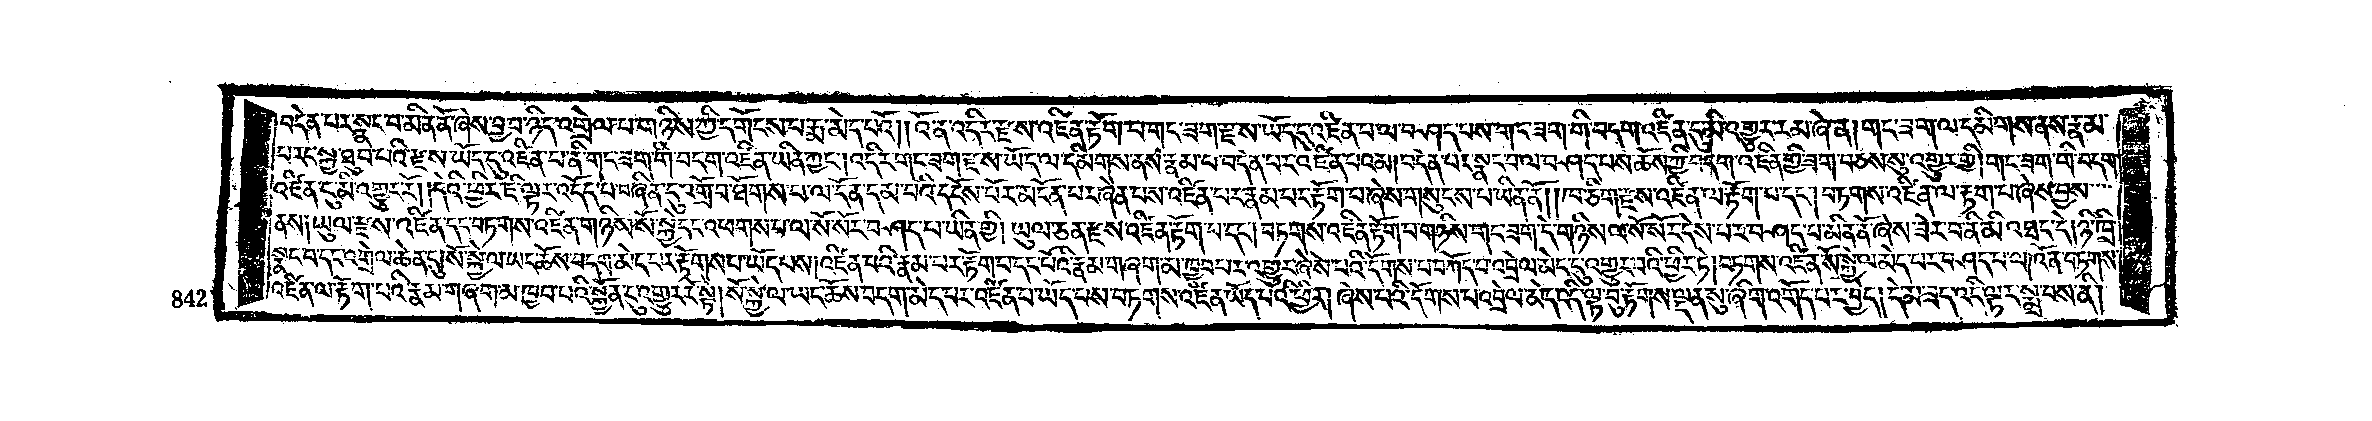བདེན་པར་སྣང་བ་མིན་ནོ་ཞེས་བྱ་བ་ཉིད་འགྲེལ་པ་གཉིས་ཀྱི་དགོངས་པ་རྨ་མེད་པའོ། །འོ་ན་འདིར་རྫས་འཛིན་རྟོག་པ་གང་ཟག་རྫས་ཡོད་དུ་འཛིན་པ་ལ་བཤད་པས་གང་ཟག་གི་བདག་འཛིན་དུ་མི་འགྱུར་རམ་ཞེ་ན། གང་ཟག་ལ་དམིགས་ནས་རྣམ་
པ་རང་སྐྱ་ཐུབ་པའི་རྫས་ཡོད་དུ་འཛིན་པ་ནི་གང་ཟག་གི་བདག་འཛིན་ཡིན་ཀྱང་། འདིར་གང་ཟག་རྫས་ཡོད་ལ་དམིགས་ནས་རྣམ་པ་བདེན་པར་འཛིན་པའམ། བདེན་པར་སྣང་བ་ལ་བཤད་པས་ཆོས་ཀྱི་བདག་འཛིན་གྱི་ཟག་བཅས་སུ་འགྱུར་གྱི། གང་ཟག་གི་བདག་
འཛིན་དུ་མི་འགྱུར་རོ། །དེའི་ཕྱིར་ཇི་ལྟར་འདོད་པ་བཞིན་དུ་འགྲོ་བ་ཐོགས་པ་ལ་དོན་དམ་པའི་དངོས་པོར་མངོན་པར་ཞེན་པས་འཛིན་པར་རྣམ་པར་རྟོག་པ་ཞེས་གསུངས་པ་ཡིན་ནོ། །ཁ་ཅིག་རྫས་འཛིན་ལ་རྟོག་པ་དང་། བཏགས་འཛིན་ལ་རྟག་པ་ཞེས་བྱས་
ནས། ཡུལ་རྫས་འཛིན་དང་བཏགས་འཛིན་གཉིས་སོ་སྐྱེ་དང་འཕགས་པ་ལ་སོ་སོར་བཤད་པ་ཡིན་གྱི། ཡུལ་ཅན་རྫས་འཛིན་རྟོག་པ་དང་། བཏགས་འཛིན་རྟོག་པ་གཉིས་གང་ཟག་དེ་གཉིས་ལ་སོ་སོར་དེས་པར་བཤད་པ་མིན་ནོ་ཞེས་ཟེར་བ་ནི་མི་འཐད་དེ། ཉི་ཁྲི་
སྣང་བ་དང་འགྲེལ་ཆེན་དུ། སོ་སྐྱེ་ལ་ཡང་ཆོས་བདག་མེད་པར་རྟོགས་པ་ཡོད་པས། འཛིན་པའི་རྣམ་པར་རྟོག་པ་དང་པོའི་རྣམ་གཞག་མ་ཁྱབ་པར་འགྱུར་ཞེས་པའི་དོགས་པ་བཀོད་པ་འབྲེལ་མེད་དུ་འགྱུར་བའི་ཕྱིར་ཏེ། བཏགས་འཛིན་སོ་སྐྱེ་ལ་མེད་པར་བཤད་པ་ལ། འོ་ན་བཏགས་
འཛིན་ལ་རྟོག་པའི་རྣམ་གཞག་མ་ཁྱབ་པའི་སྐྱོན་དུ་འགྱུར་རོ་སྟེ། སོ་སྐྱེ་ལ་ཡང་ཆོས་བདག་མེད་པར་འཛིན་པ་ཡོད་པས་བཏགས་འཛིན་ཡོད་པའི་ཕྱིར། ཞེས་པའི་དོགས་པ་འབྲེལ་མེད་འདི་ལྟ་བུ་རྟོགས་ལྡན་སུ་ཞིག་འགོད་པར་བྱེད། དེ་མ་ཟད་འདི་ལྟར་སྨྲ་བས་ནི།